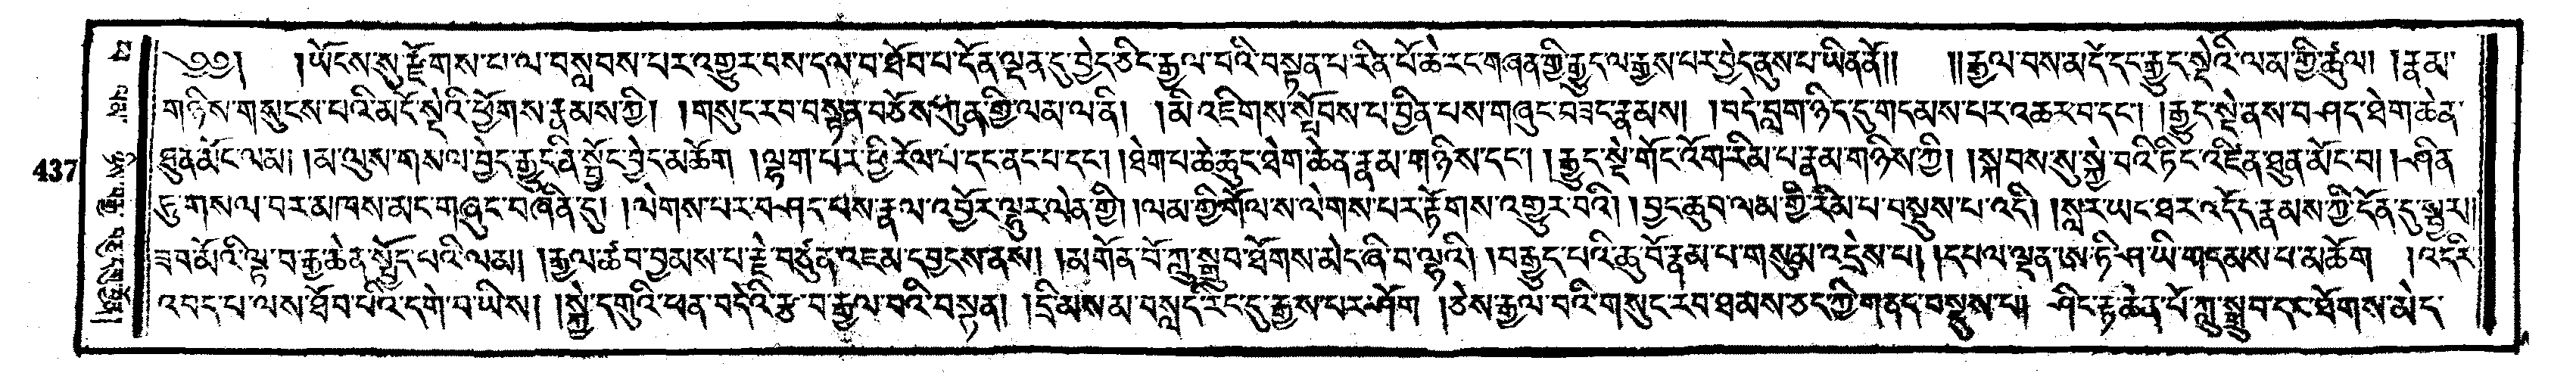༄༅། །ཡོངས་སུ་རྫོགས་པ་ལ་བསླབས་པར་འགྱུར་བས་དལ་བ་ཐོབ་པ་དོན་ལྡན་དུ་བྱེད་ཅིང་རྒྱལ་བའི་བསྟན་པ་རིན་པོ་ཆེ་རང་གཞན་གྱི་རྒྱུད་ལ་རྒྱས་པར་བྱེད་ནུས་པ་ཡིན་ནོ།། །།རྒྱལ་བས་མདོ་དང་རྒྱུད་སྡེའི་ལམ་གྱི་ཚུལ། །རྣམ་
གཉིས་གསུངས་པའི་མདོ་སྡེའི་ཕྱོགས་རྣམས་ཀྱི། །གསུང་རབ་བསྟན་བཅོས་ཀུན་གྱི་ལམ་ལ་ནི། །མི་འཇིགས་སྤོབས་པ་བྱིན་པས་གཞུང་བཟང་རྣམས། །བདེ་བླག་ཉིད་དུ་གདམས་པར་འཆར་བ་དང་། །རྒྱུད་སྡེ་ནས་བཤད་ཐེག་ཆེན་
ཐུན་མོང་ལམ། །མ་ལུས་གསལ་བྱེད་རྒྱུད་ནི་སྦྱོང་བྱེད་མཆོག །ལྷག་པར་ཕྱི་རོལ་པ་དང་ནང་པ་དང་། །ཐེག་པ་ཆེ་ཆུང་ཐེག་ཆེན་རྣམ་གཉིས་དང་། །རྒྱུད་སྡེ་གོང་འོག་རིམ་པ་རྣམ་གཉིས་ཀྱི། །སྐབས་སུ་སྐྱེ་བའི་ཏིང་འཛིན་ཐུན་མོང་བ། །ཤིན་
ཏུ་གསལ་བར་མཁས་མང་གཞུང་བཞིན་དུ། །ལེགས་པར་བཤད་པས་རྣལ་འབྱོར་ལྷུར་ལེན་གྱི། །ལམ་གྱི་གོལ་ས་ལེགས་པར་རྟོགས་འགྱུར་བའི། །བྱང་ཆུབ་ལམ་གྱི་རིམ་པ་བསྡུས་པ་འདི། །སླར་ཡང་ཐར་འདོད་རྣམས་ཀྱི་དོན་དུ་སྦྱར།།
ཟབ་མོའི་ལྟ་བ་རྒྱ་ཆེན་སྤྱོད་པའི་ལམ། །རྒྱལ་ཚབ་བྱམས་པ་རྗེ་བཙུན་འཇམ་དབྱངས་ནས། །མགོན་པོ་ཀླུ་སྒྲུབ་ཐོགས་མེད་ཞི་བ་ལྷའི། །བརྒྱུད་པའི་ཆུ་བོ་རྣམ་པ་གསུམ་འདྲེས་པ། །དཔལ་ལྡན་ཨ་ཏི་ཤ་ཡི་གདམས་པ་མཆོག །འདིར་
འབད་པ་ལས་ཐོབ་པའི་དགེ་བ་ཡིས། །སྐྱེ་དགུའི་ཕན་བདེའི་རྩ་བ་རྒྱལ་བའི་བསྟན། །དྲི་མ་བསླད་རིང་དུ་རྒྱས་པར་ཤོག །ཅེས་རྒྱལ་བའི་གསུང་རབ་ཐམས་ཅད་ཀྱི་གནད་བསྡུས་པ། ཤིང་རྟ་ཆེན་པོ་ཀླུ་སྒྲུབ་དང་ཐོགས་མེད་